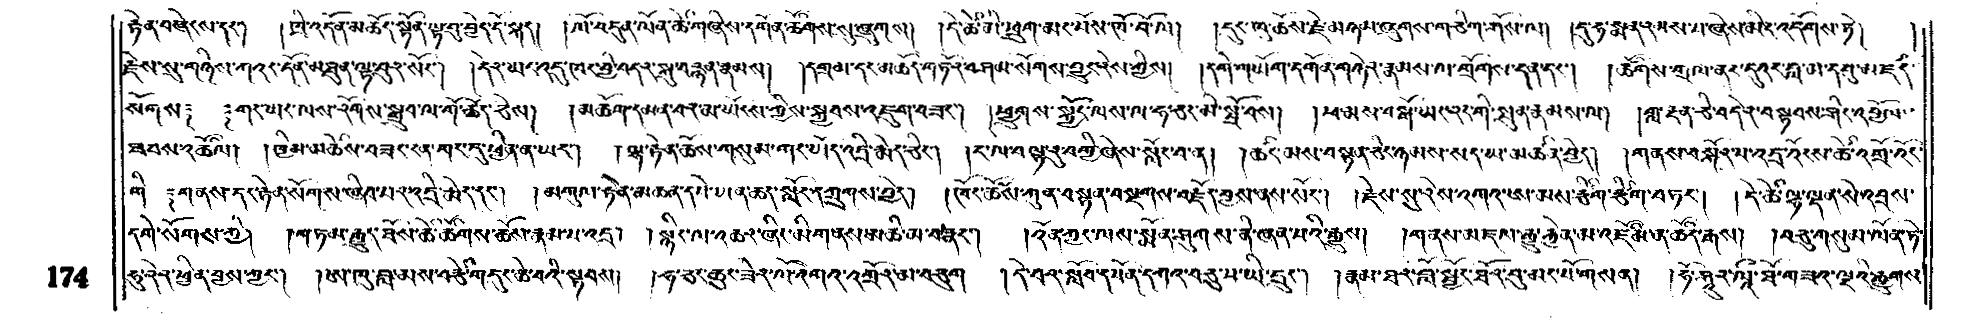རྟེན་བཞེངས་དང་། །ཁྲི་འདོན་མཆོད་སྟོན་ལྟ་བུ་བྱེད་དོ་སྐད། །ལོ་བདུན་ལོན་ཚེ་གཞིས་དགོན་ཚོགས་སུ་ཞུགས། །དེ་ཚེ་མི་ཕྲུག་མང་པོས་ཁོ་བོ་ལ། །དུང་ཁུ་ཆོས་རྗེས་མཉམ་ཞུགས་གཅིག་ཤོས་ལ། །དུ་ཧ་སྨན་རམས་པ་ཞེས་མིང་འདོགས་ཏེ། །
རྗེས་སུ་གཉིས་ཀའང་དོན་མཐུན་ལྟ་བུར་སོང་། །དེར་ཡང་འདུ་ཁང་བྱི་བདར་སྐུ་བརྙན་རྣམས། །དགྲམ་དང་མཆོད་གཏོར་བཤམ་སོགས་བྱུང་རེས་ཀྱིས། །དགེ་གཡོག་དགོན་གཉེར་རྣམས་ལ་གྲོགས་དན་དང་། །ཚོགས་གྲལ་ནང་དུའང་བླ་མ་དབུ་མཛད་
སོགས༑ ༑གང་ཡང་ལས་རོགས་སྒྲུབ་ལ་གོ་ཆོད་ཅེས། །མཆོག་དམན་བར་མ་ཡོངས་ཀྱིས་སྐྱབས་འཇུག་བཟང་། །ཕྱུགས་སྐྱོང་ལས་ལ་ཧ་ཅང་མེ་སྤྲོ་བས། །ཕ་མས་བསྒོ་ཡང་རང་གི་སྤུན་རྣམས་ལ། །གླ་རྔན་ཅི་བདེར་བསྟབས་ཤིང་འབྱོལ་
ཐབས་འཚོལ། །ཁྱིམ་མཚེས་བཟང་ངན་གང་དུ་ཕྱིན་ན་ཡང་། །ལྷ་རྟེན་ཆོས་གསུམ་གང་ཡོད་འདྲི་རྨེད་ཅིང་། །ང་ལ་བལྟ་རུ་བགྱི་ཞེས་སློང་བ་ན། །ཚང་མས་བསྟན་ཅིང་ཉམས་སད་ཡ་མཚན་བྱེད། །གནས་བསྐོར་པ་འདྲ་འོངས་ཚེ་འགྲོ་འོང་
གི ༑གནས་དང་རྟེན་སོགས་ཞིབ་པར་འདྲི་རྨེད་དང་། །མགུལ་རྟེན་མཆན་དཔེ་ཡན་ཆད་སློང་དཀྲུགས་བྱེད། །ཁོང་ཚོས་ཀུན་བསྟན་བསྔགས་བརྗོད་བྱས་ནས་སོང་། །རྗེས་སུ་རེས་འགའ་ཨ་མས་རྩིག་རྩིག་བཏང་། །དེ་ཚེ་ལྷ་ལྡན་སེ་འབྲས་
དགེ་སོགས་ཀྱི། །གཏམ་རྒྱུད་ཐོས་ཚེ་ཚོགས་ཆོས་རྣམས་འདྲ། །སྙིང་ལ་འཆར་ཞིང་མིག་ནས་མཆི་མ་བ་རྣང་། །འོན་ཀྱང་ལས་སྨོན་ཤུགས་ནི་ཞན་པའི་རྒྱུས། །གནས་མཇལ་རྒྱུ་རྐྱེན་མ་འཛོམ་ན་ཚོད་རྒས། །བཅུ་གསུམ་ལོན་ཏེ་
ཧུ་རེར་ཕྱིན་བྱས་ཀྱང་། །ཨ་ཁུ་བླ་མས་བརྩེ་གདུང་ཆེ་བའི་སྟབས། །ཧ་ཅང་ཆུང་ཟེར་ལོ་འགའ་འགྲོར་མ་བཅུག །དེ་བར་སློབ་དཔོན་དཀའ་བཅུ་པ་ཡི་དྲུང་། །རྣམ་ཐར་བློ་སྦྱོང་ཐོར་བུ་མང་བོ་གསན། །ཧོ་ཤཱུར་ལཱྀ་ཐོ་གཟའ་ལྔའི་རྒྱུགས་